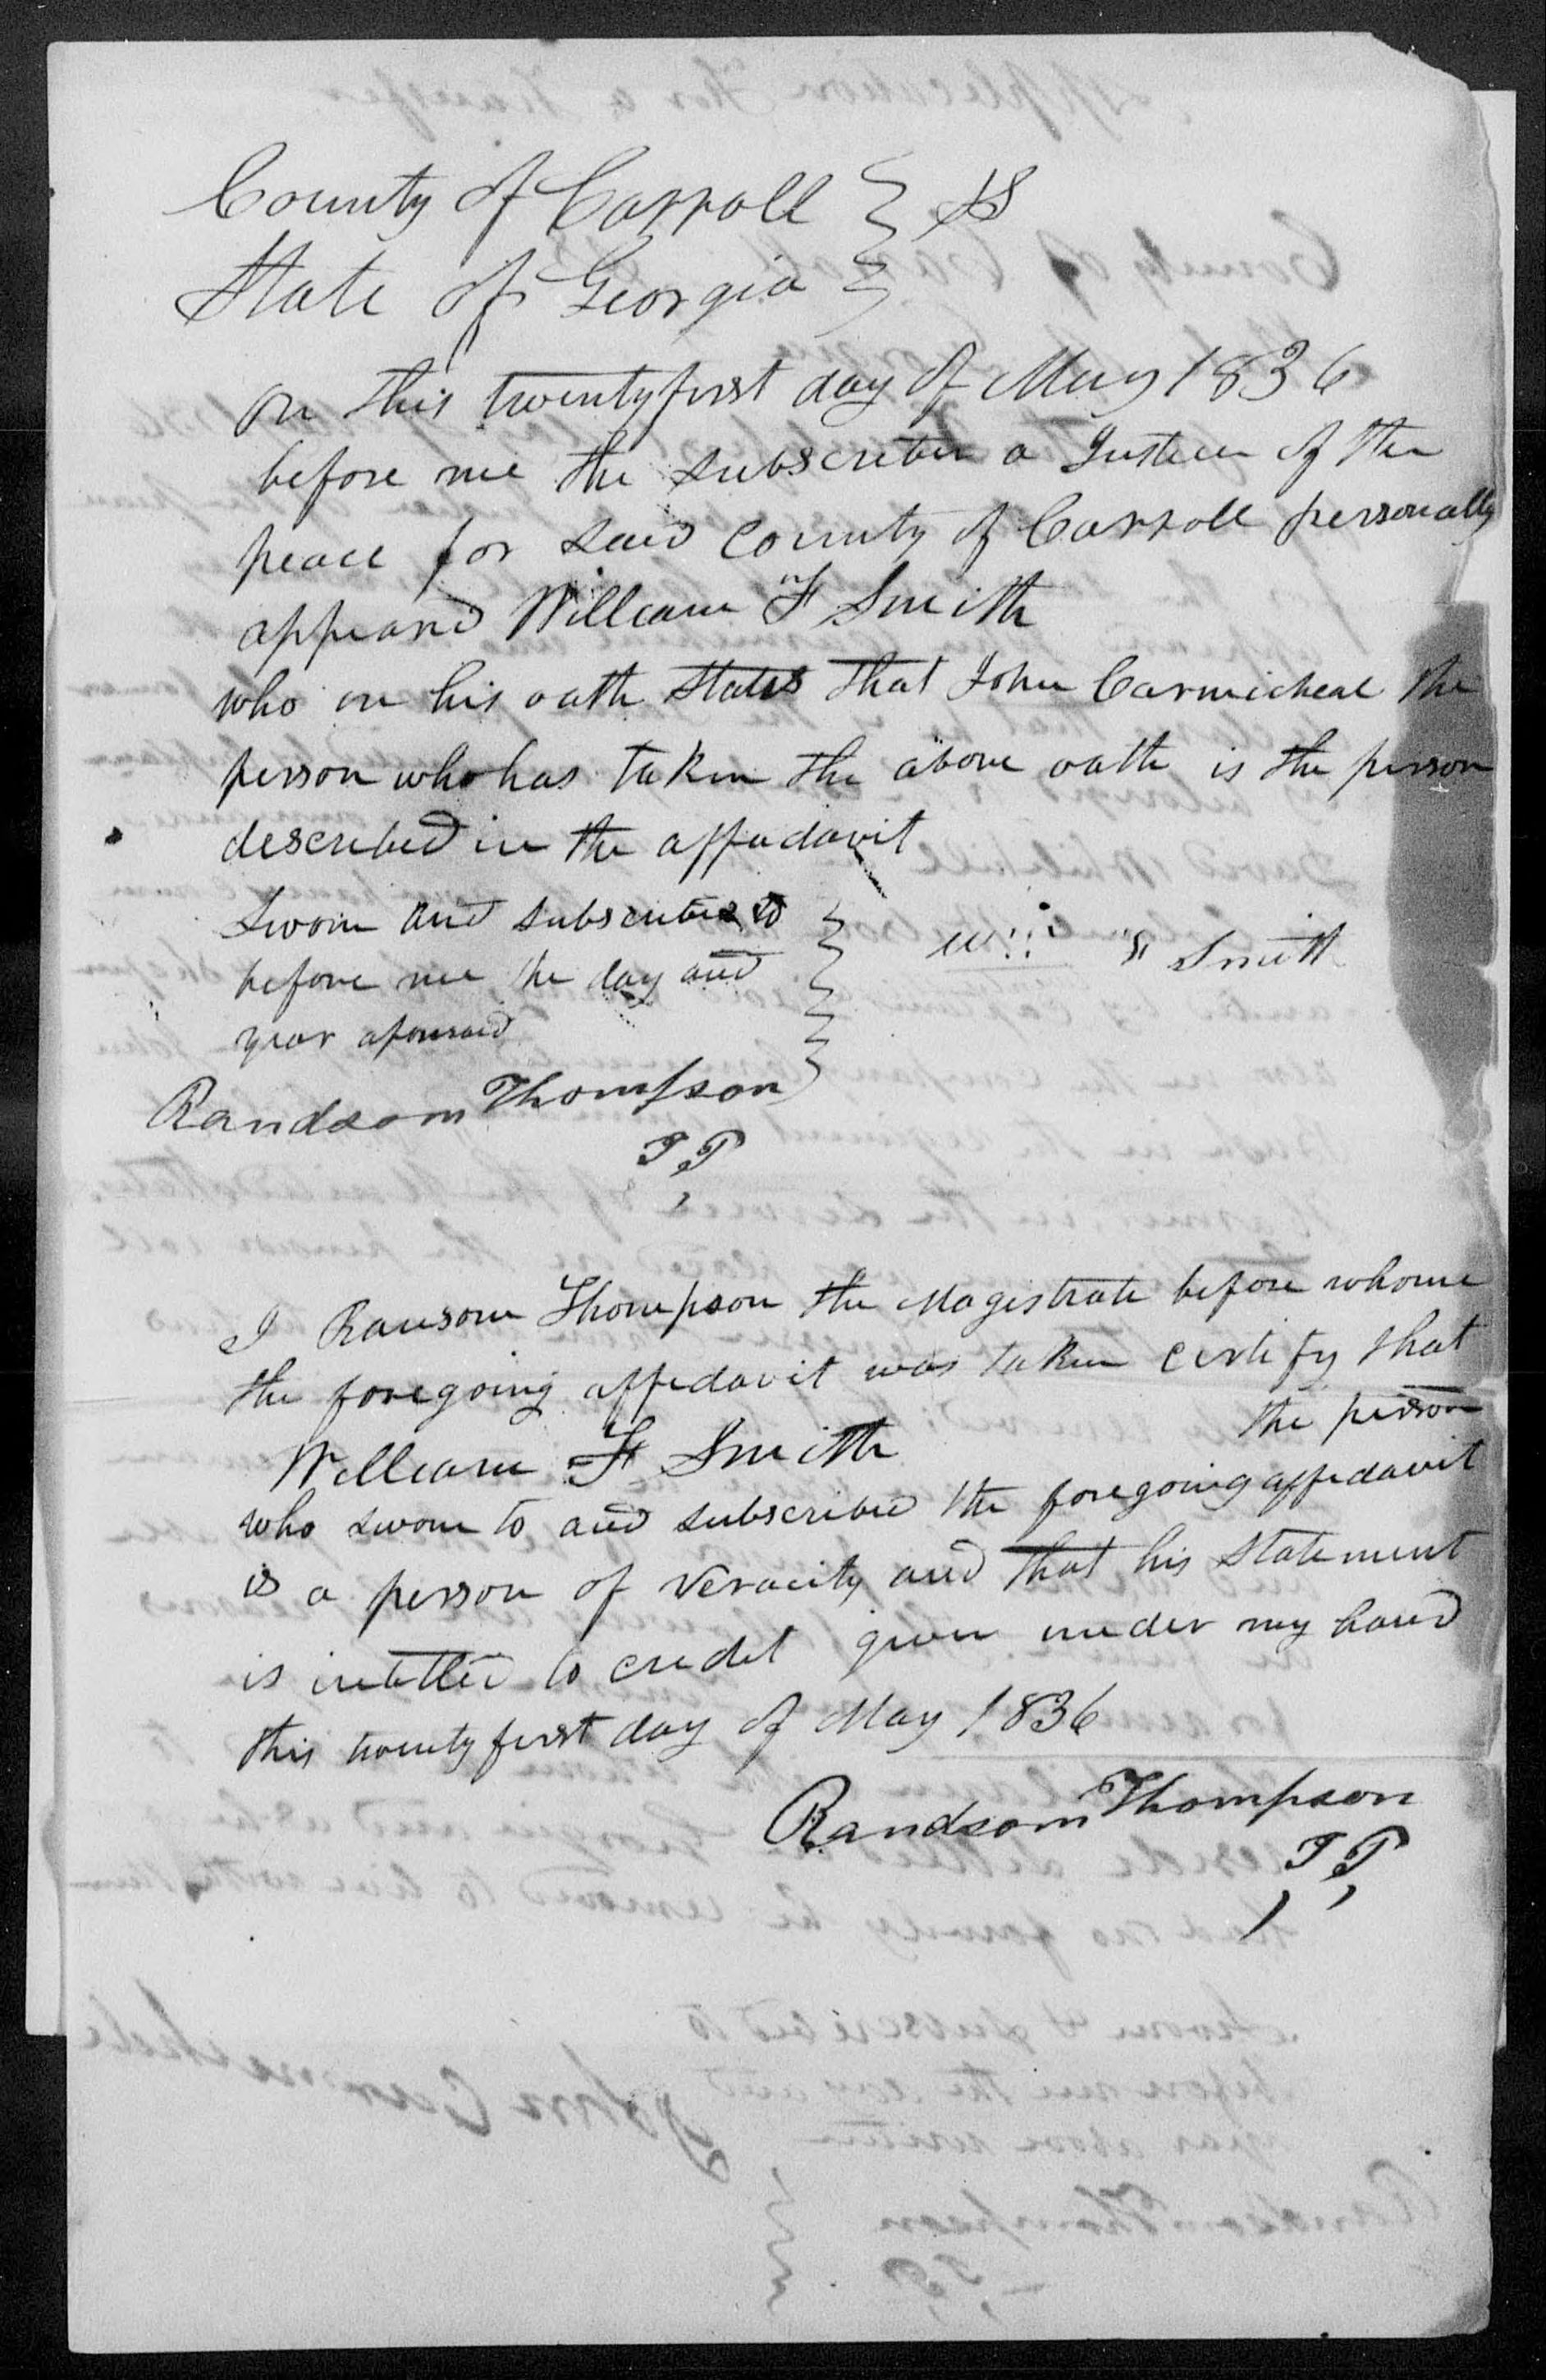County of Carroll
State of Georgia
On this twenty first day of May 1836
before me the subscriber a Justice of the Peace for said county of Carroll appeared Willam F Smith who on his oath states that John Carmichael the person who has taken the above oath is the person described in the affidavit.  Sworn and subscribed to before me the day and year aforesaid.
Randsom Thompson
J.P.

I Randsom Thompson the magistrate before whome the foregoing affidavit was taken certify that William F. Smith was sworn to and subscribed the foregoing affidavit is a pers on veracity and that his statement is [illegible] to credit given under my hand this first day of May 1836
Randsom Thompson
J.P.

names: Randsom Thompson, Ransom Thompson, William F Smith, Wm F Smith, John Carmicheal, Randsom Thompson, William F Smith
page: 8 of 42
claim: survivor's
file: S. 31,595, John Carmickele, Penn.